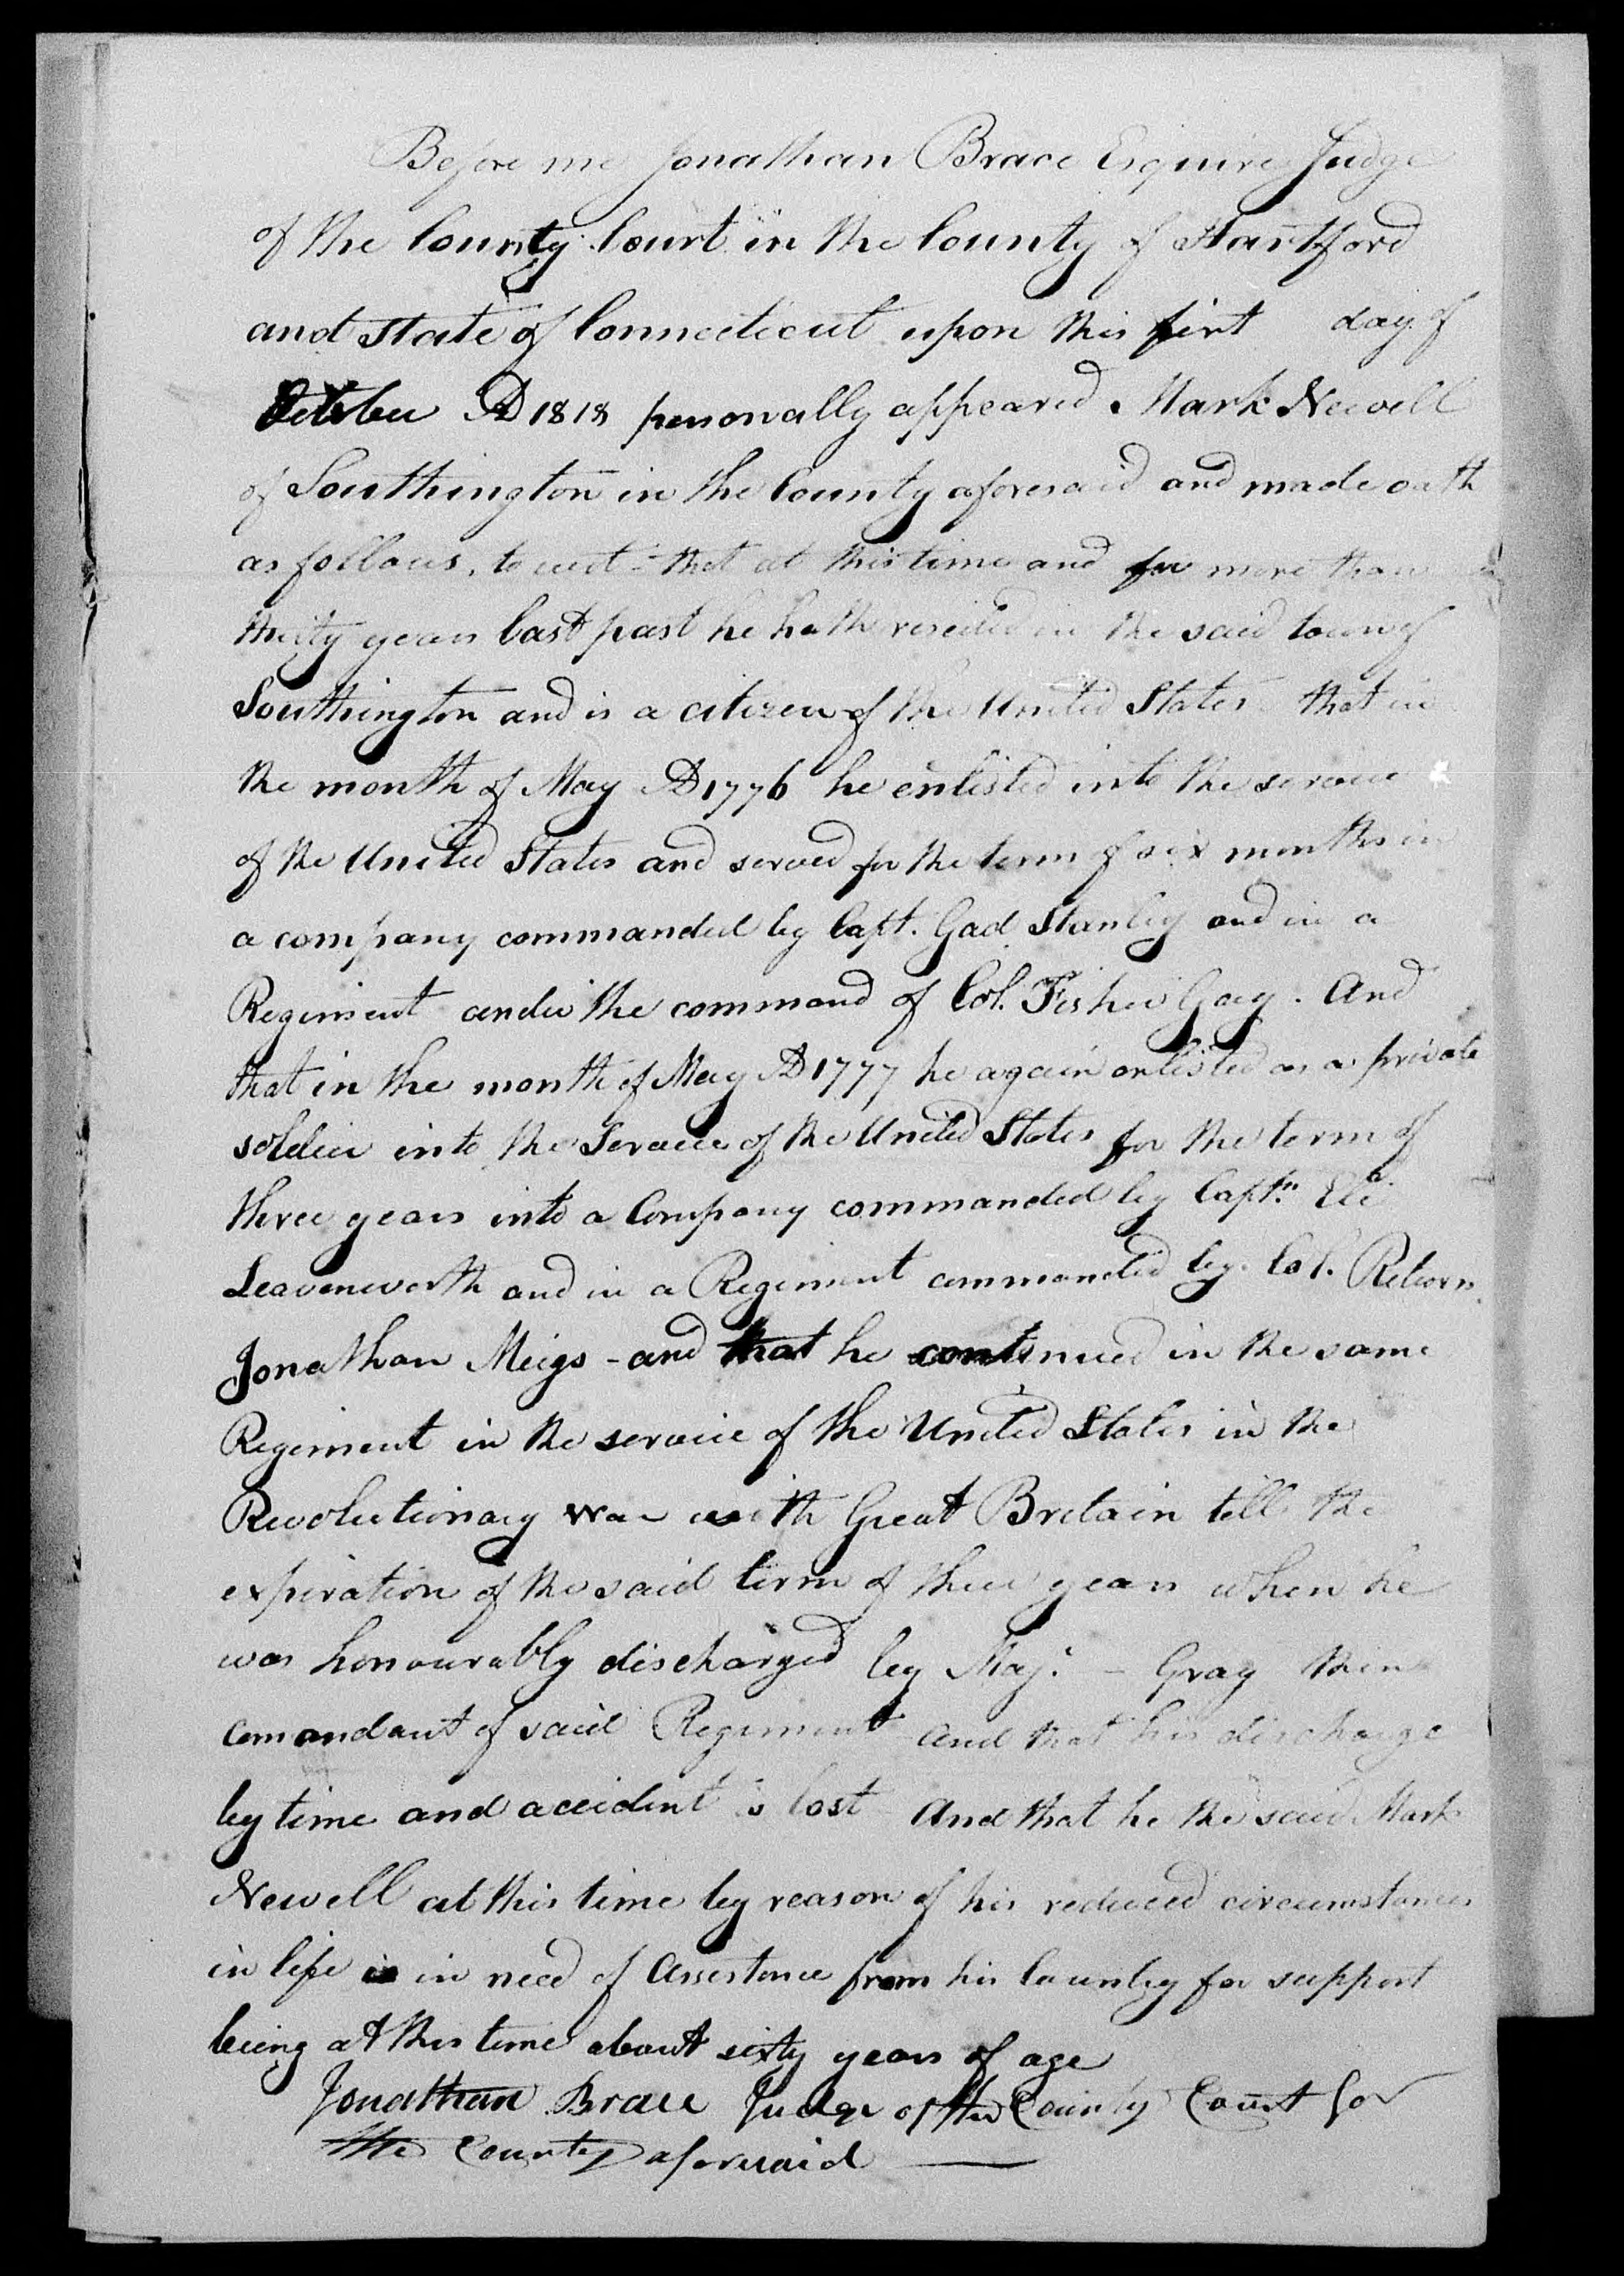Before me Jonathan Brace Esquire Judge of the County Court of Hartford and State of Connecticut upon this first day of October AD 1818 personally appeared Mark Newall of Southington in the County aforesaid and made oath as follows, to wit-
that at this time and for more than thirty years last past he hath resided in the said town of Southington and is a a citizen of the United States that in the month of May AD 1776 he enlisted into the service of the United States and served for the term of six months in a company commanded by Capt. Gad Stanley and in a Regiment under the command of Col. Fisher Gray, and that in the month of May AD 1777 he again enlisted as a private soldier into the Service of the United States for the term of three years into a Company commanded by Capt. Eli Leavenworth and in a Regiment commanded by Col. Return.
Jonathan Meigs and that he continued in the same Regiment in the service of the United States in the Revolutionary War with Great Britain till the expiration of the said term of three years when he was honourably discharged by Maj. Gray then commandant of said Regiment and that his discharge by time and accident is lost and that he the said Mark Newell at this time by reason of his reduced circumstances in life is in need of assistance from his Country for support being at the time about sixty years of age

Jonathon Brace Judge of the County Court for the county aforesaid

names: Eli Leavenworth; Fisher Gay; Gad Stanley; Jonathan Meigs; [BLANK] Gray; Mark Newell; Jonathan Brace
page: 5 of 9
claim: survivor's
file: S. 36190, for Mark Newell, Connecticut